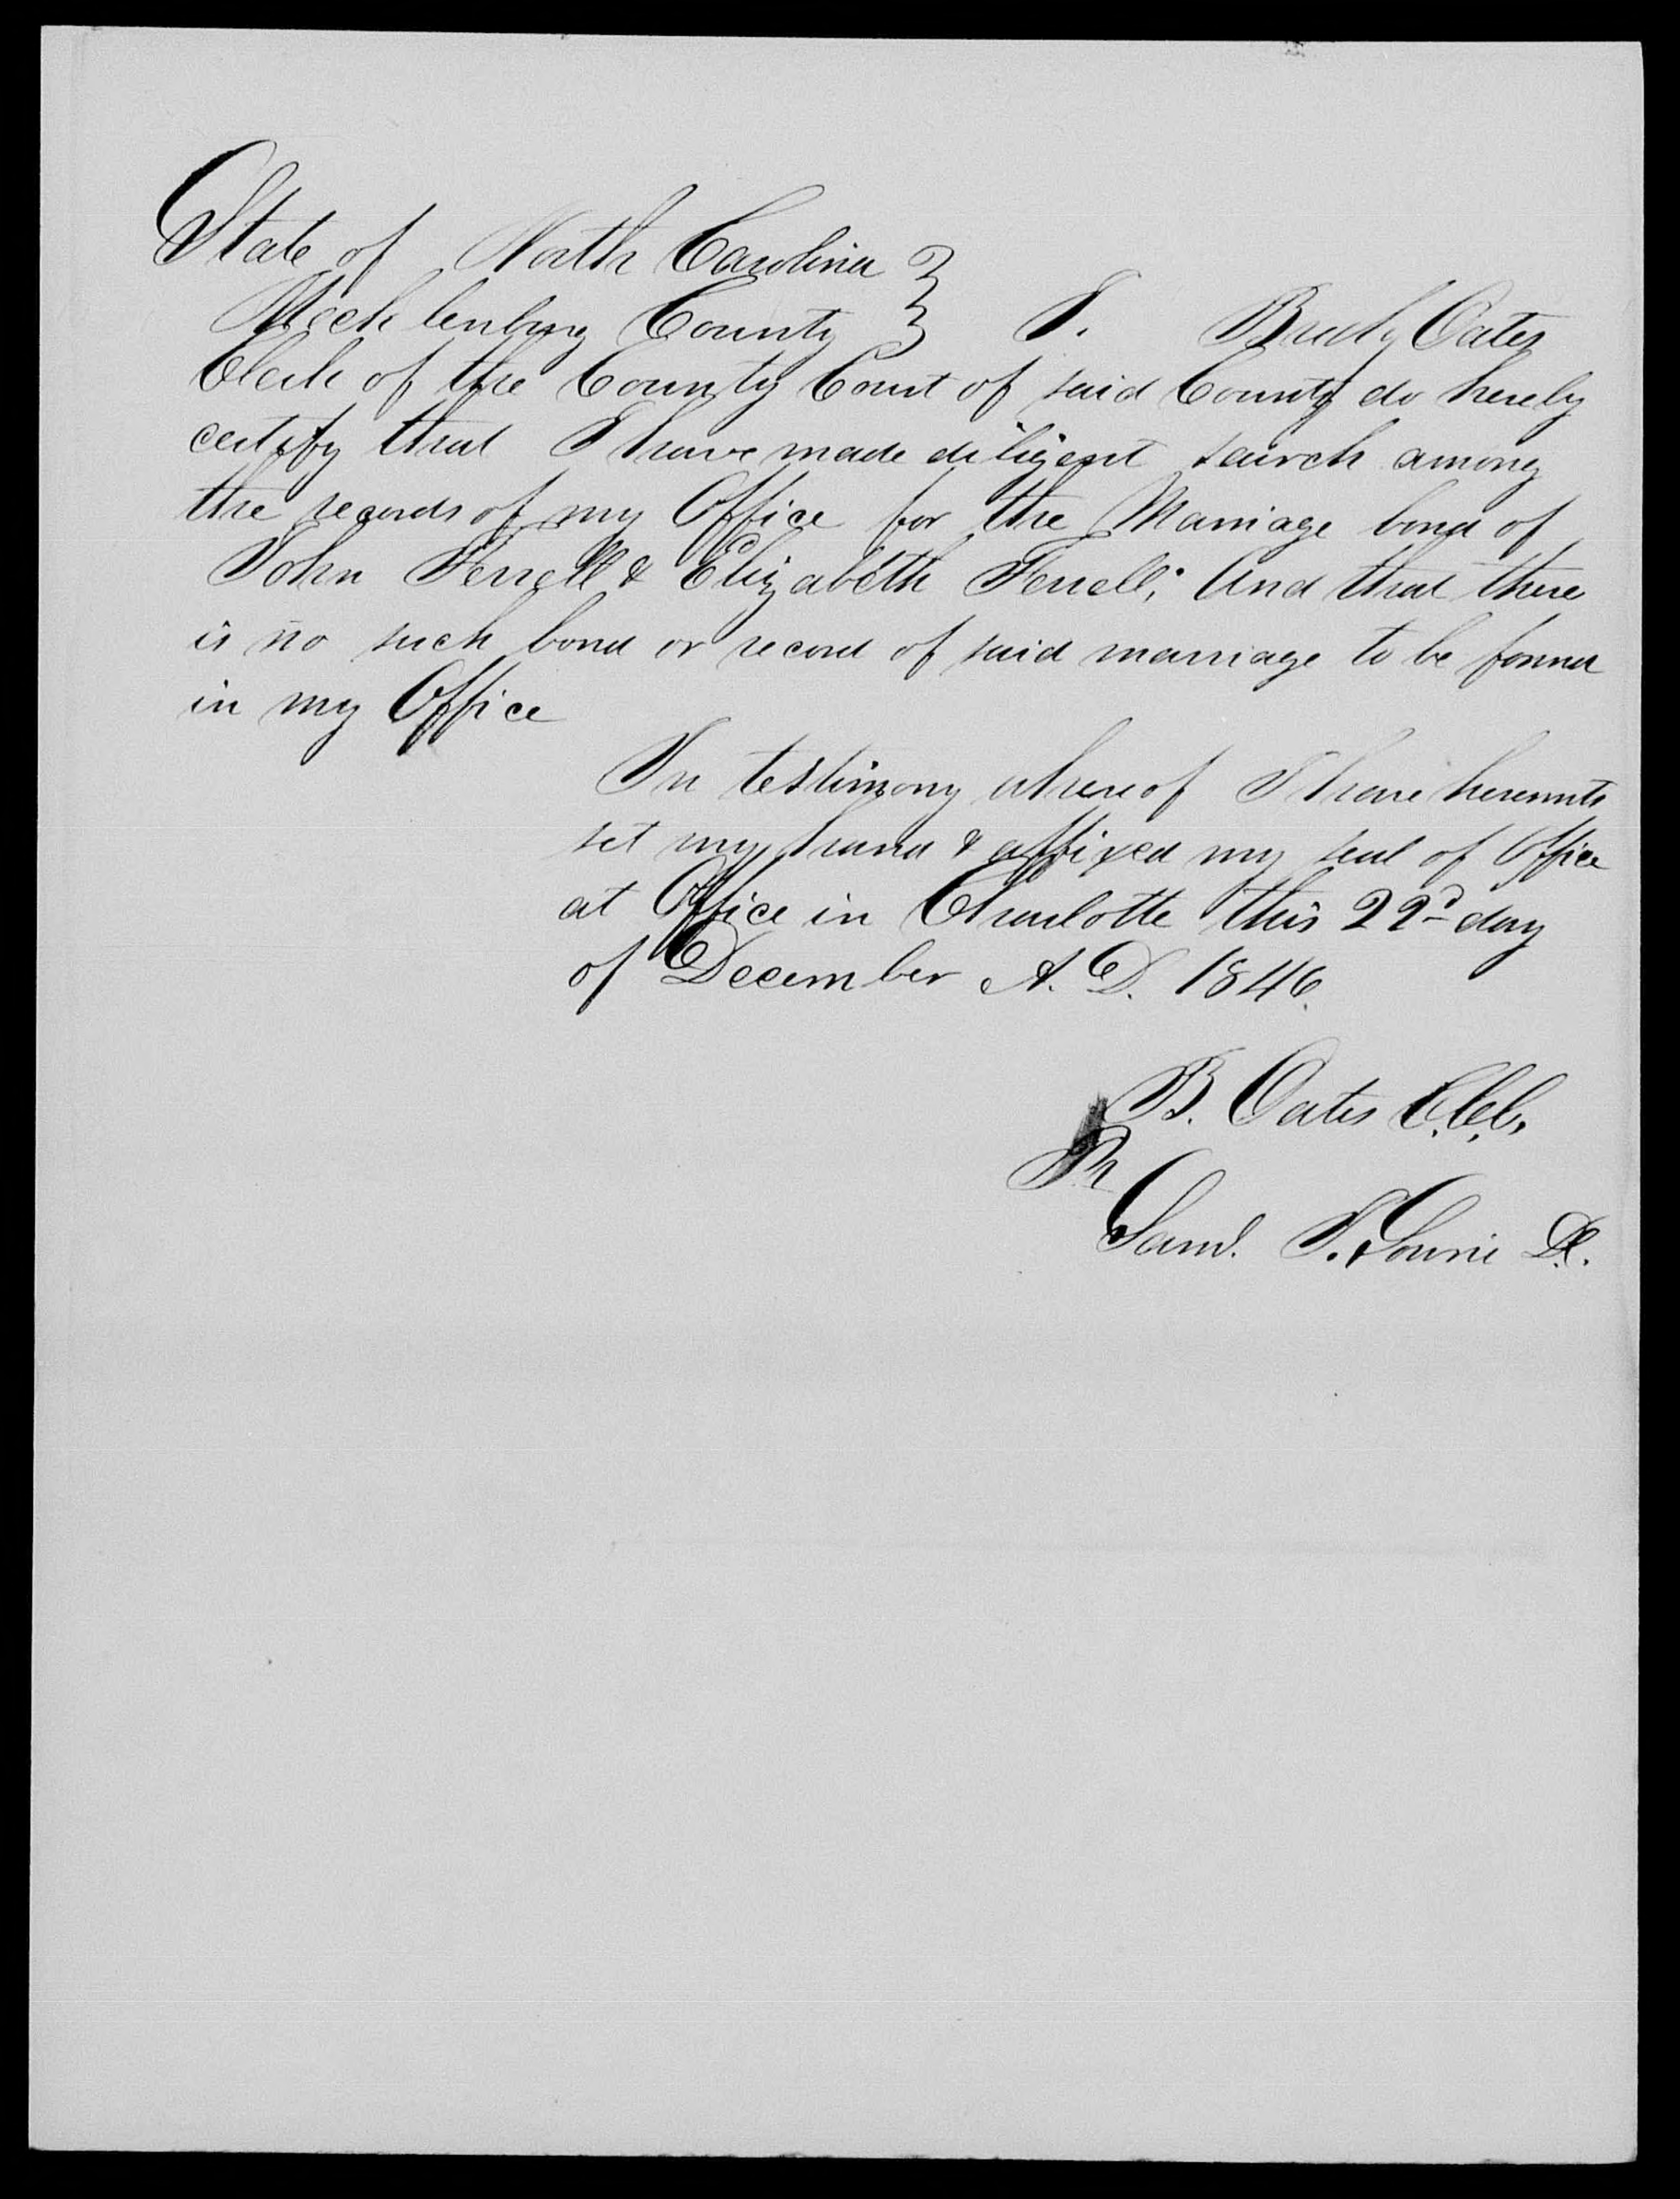State of North Carolina
Meckenburg County
I Bud Oates Clerk of the County Court of said County do hereby certify that I have made diligent search among the regards of my Office for the Marriage bond of John Ferrell and Elizabeth Ferrell; And that there is no such bond or record of said marriage to be found in my Office.
On testimony whereof I have hereunto set my Seal and affixed my seal of Office at Office in Charlotte this 22nd day of December AD 1846,
B Oates Clerk
Pr. Saml. S. Gouni R.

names: John Ferrell, Saml J Sowrie, Braly Oates, Elizabeth Ferrell, B Oates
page: 33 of 52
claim: rejected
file: R. 3,512, John Ferrell, N.C.